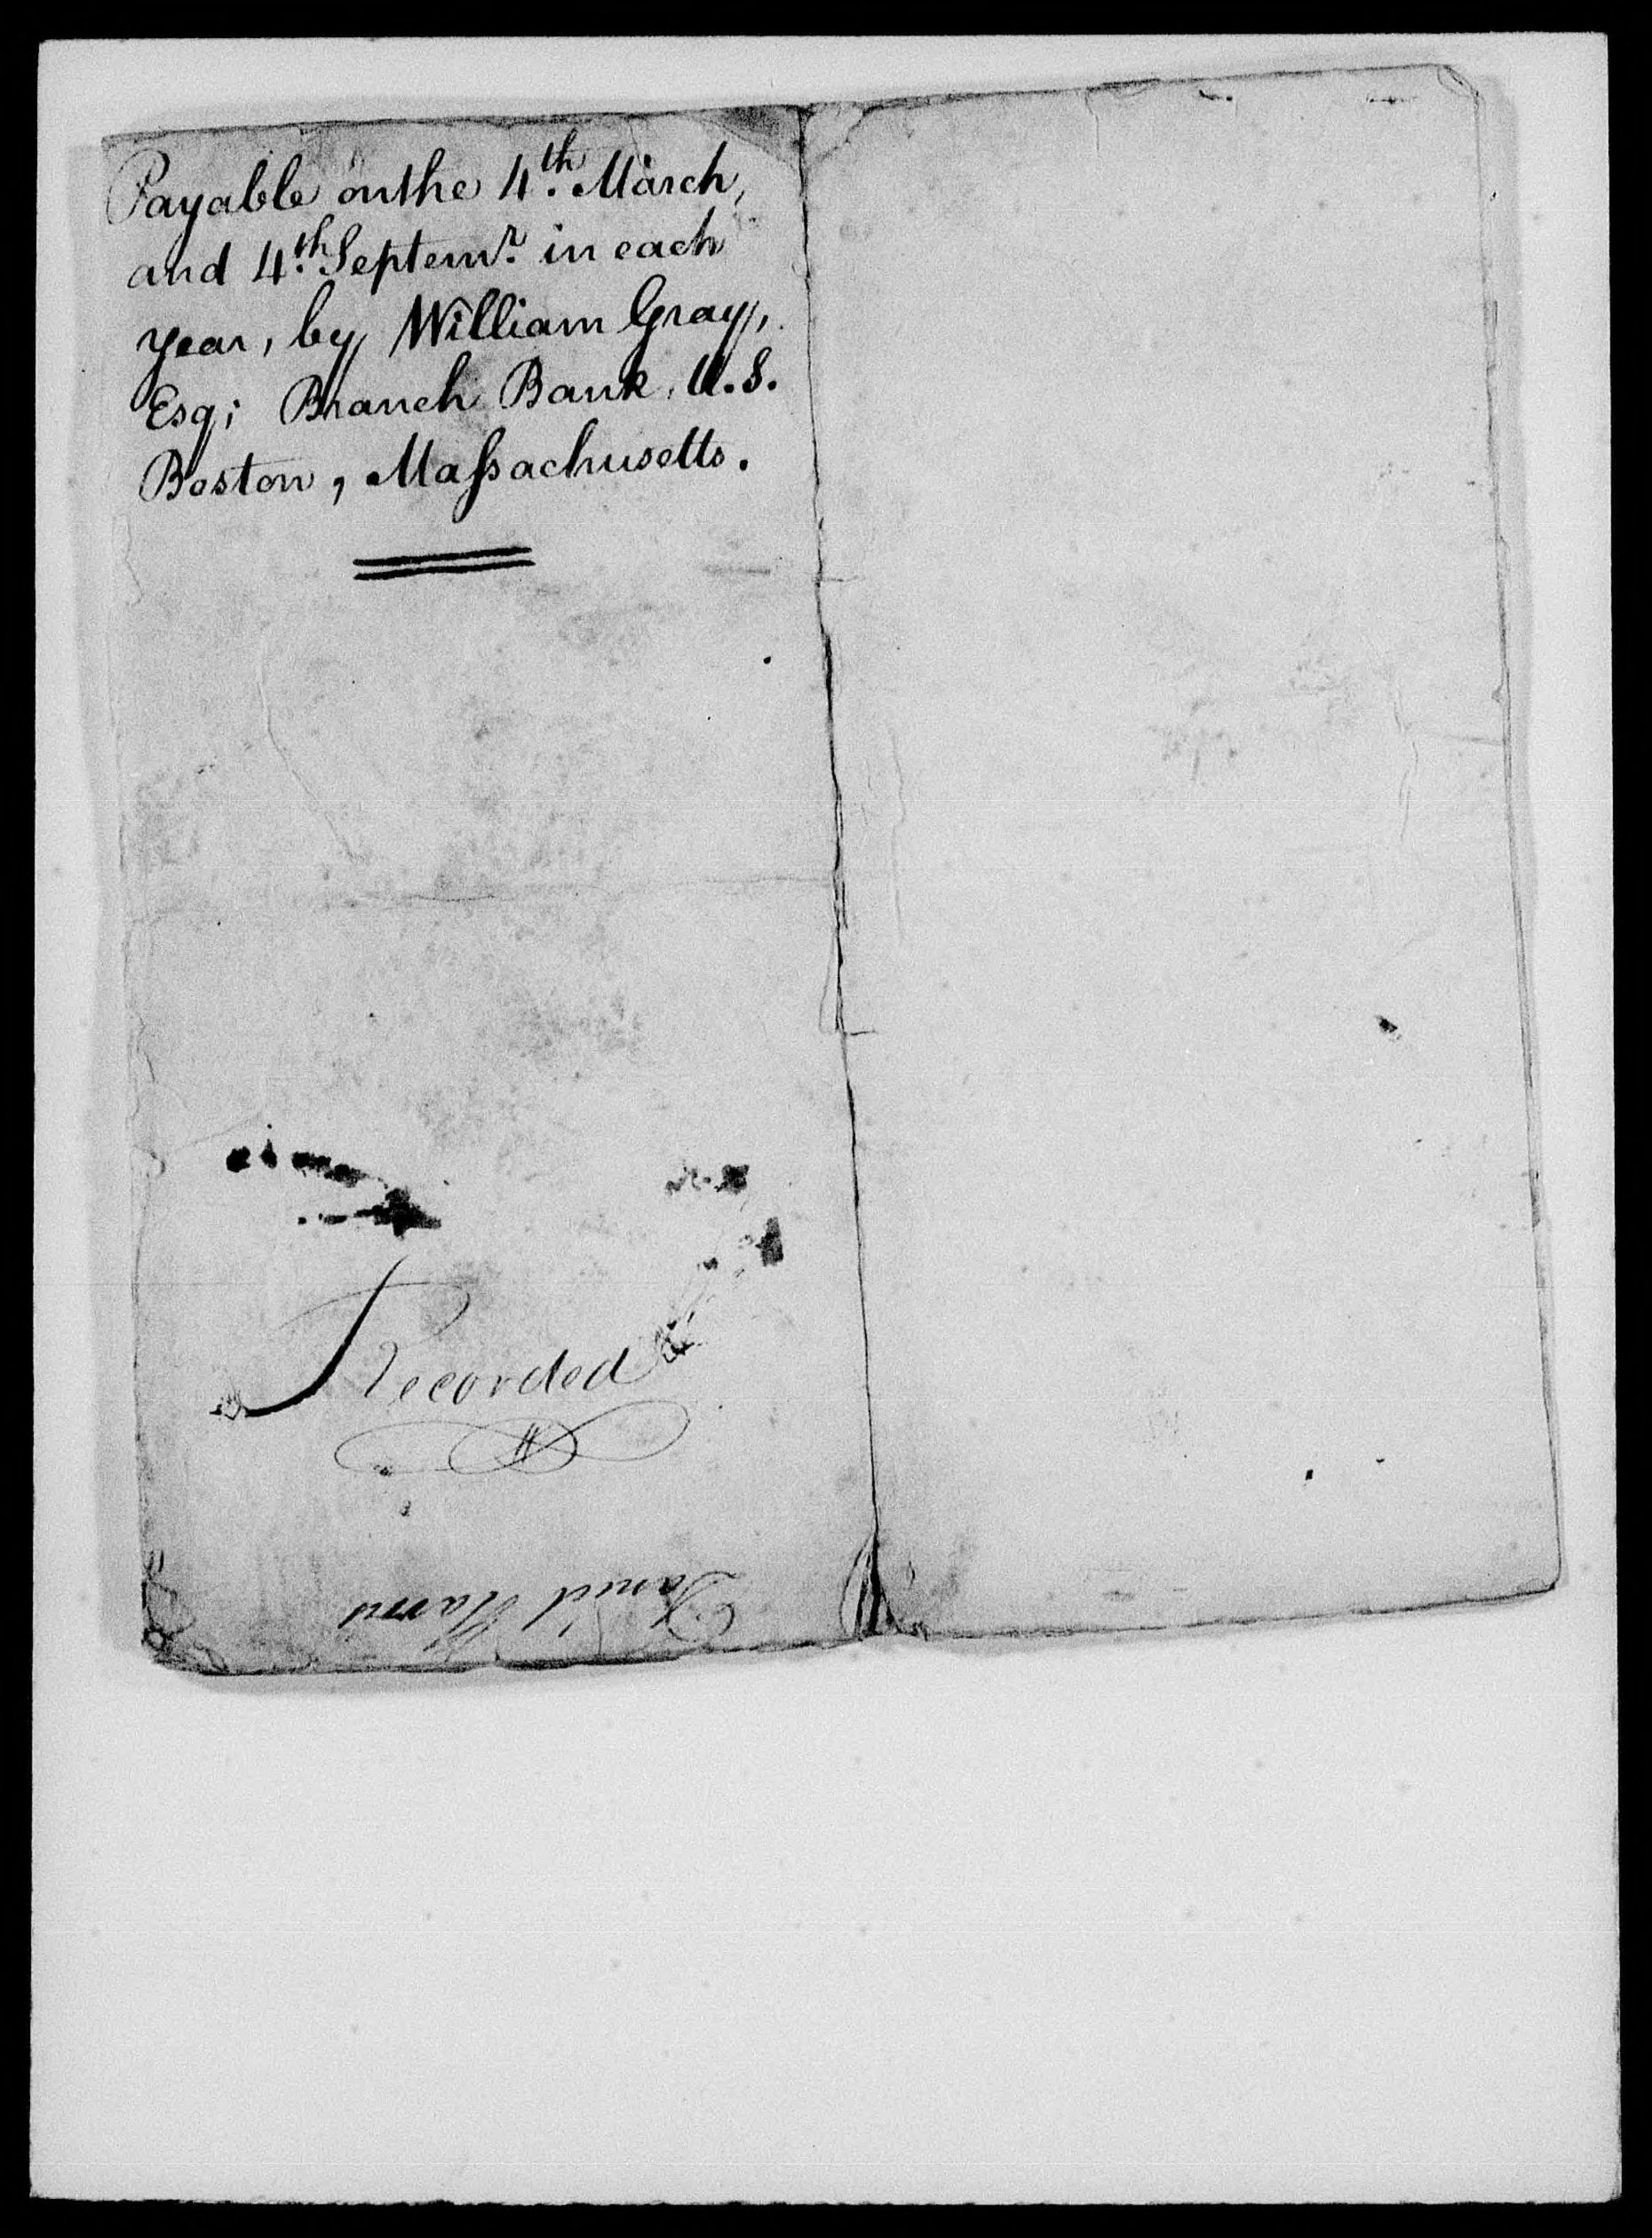Payable on the 4th March and 4th September in each year, by William Gray, Esq; Branch Bank, U.S. Boston, Massachusetts.

Recorded
Daniel Harriss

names: William Gray, Daniel Harris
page: 22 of 68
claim: survivor's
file: S. 29,877, Daniel Harris, Mass.